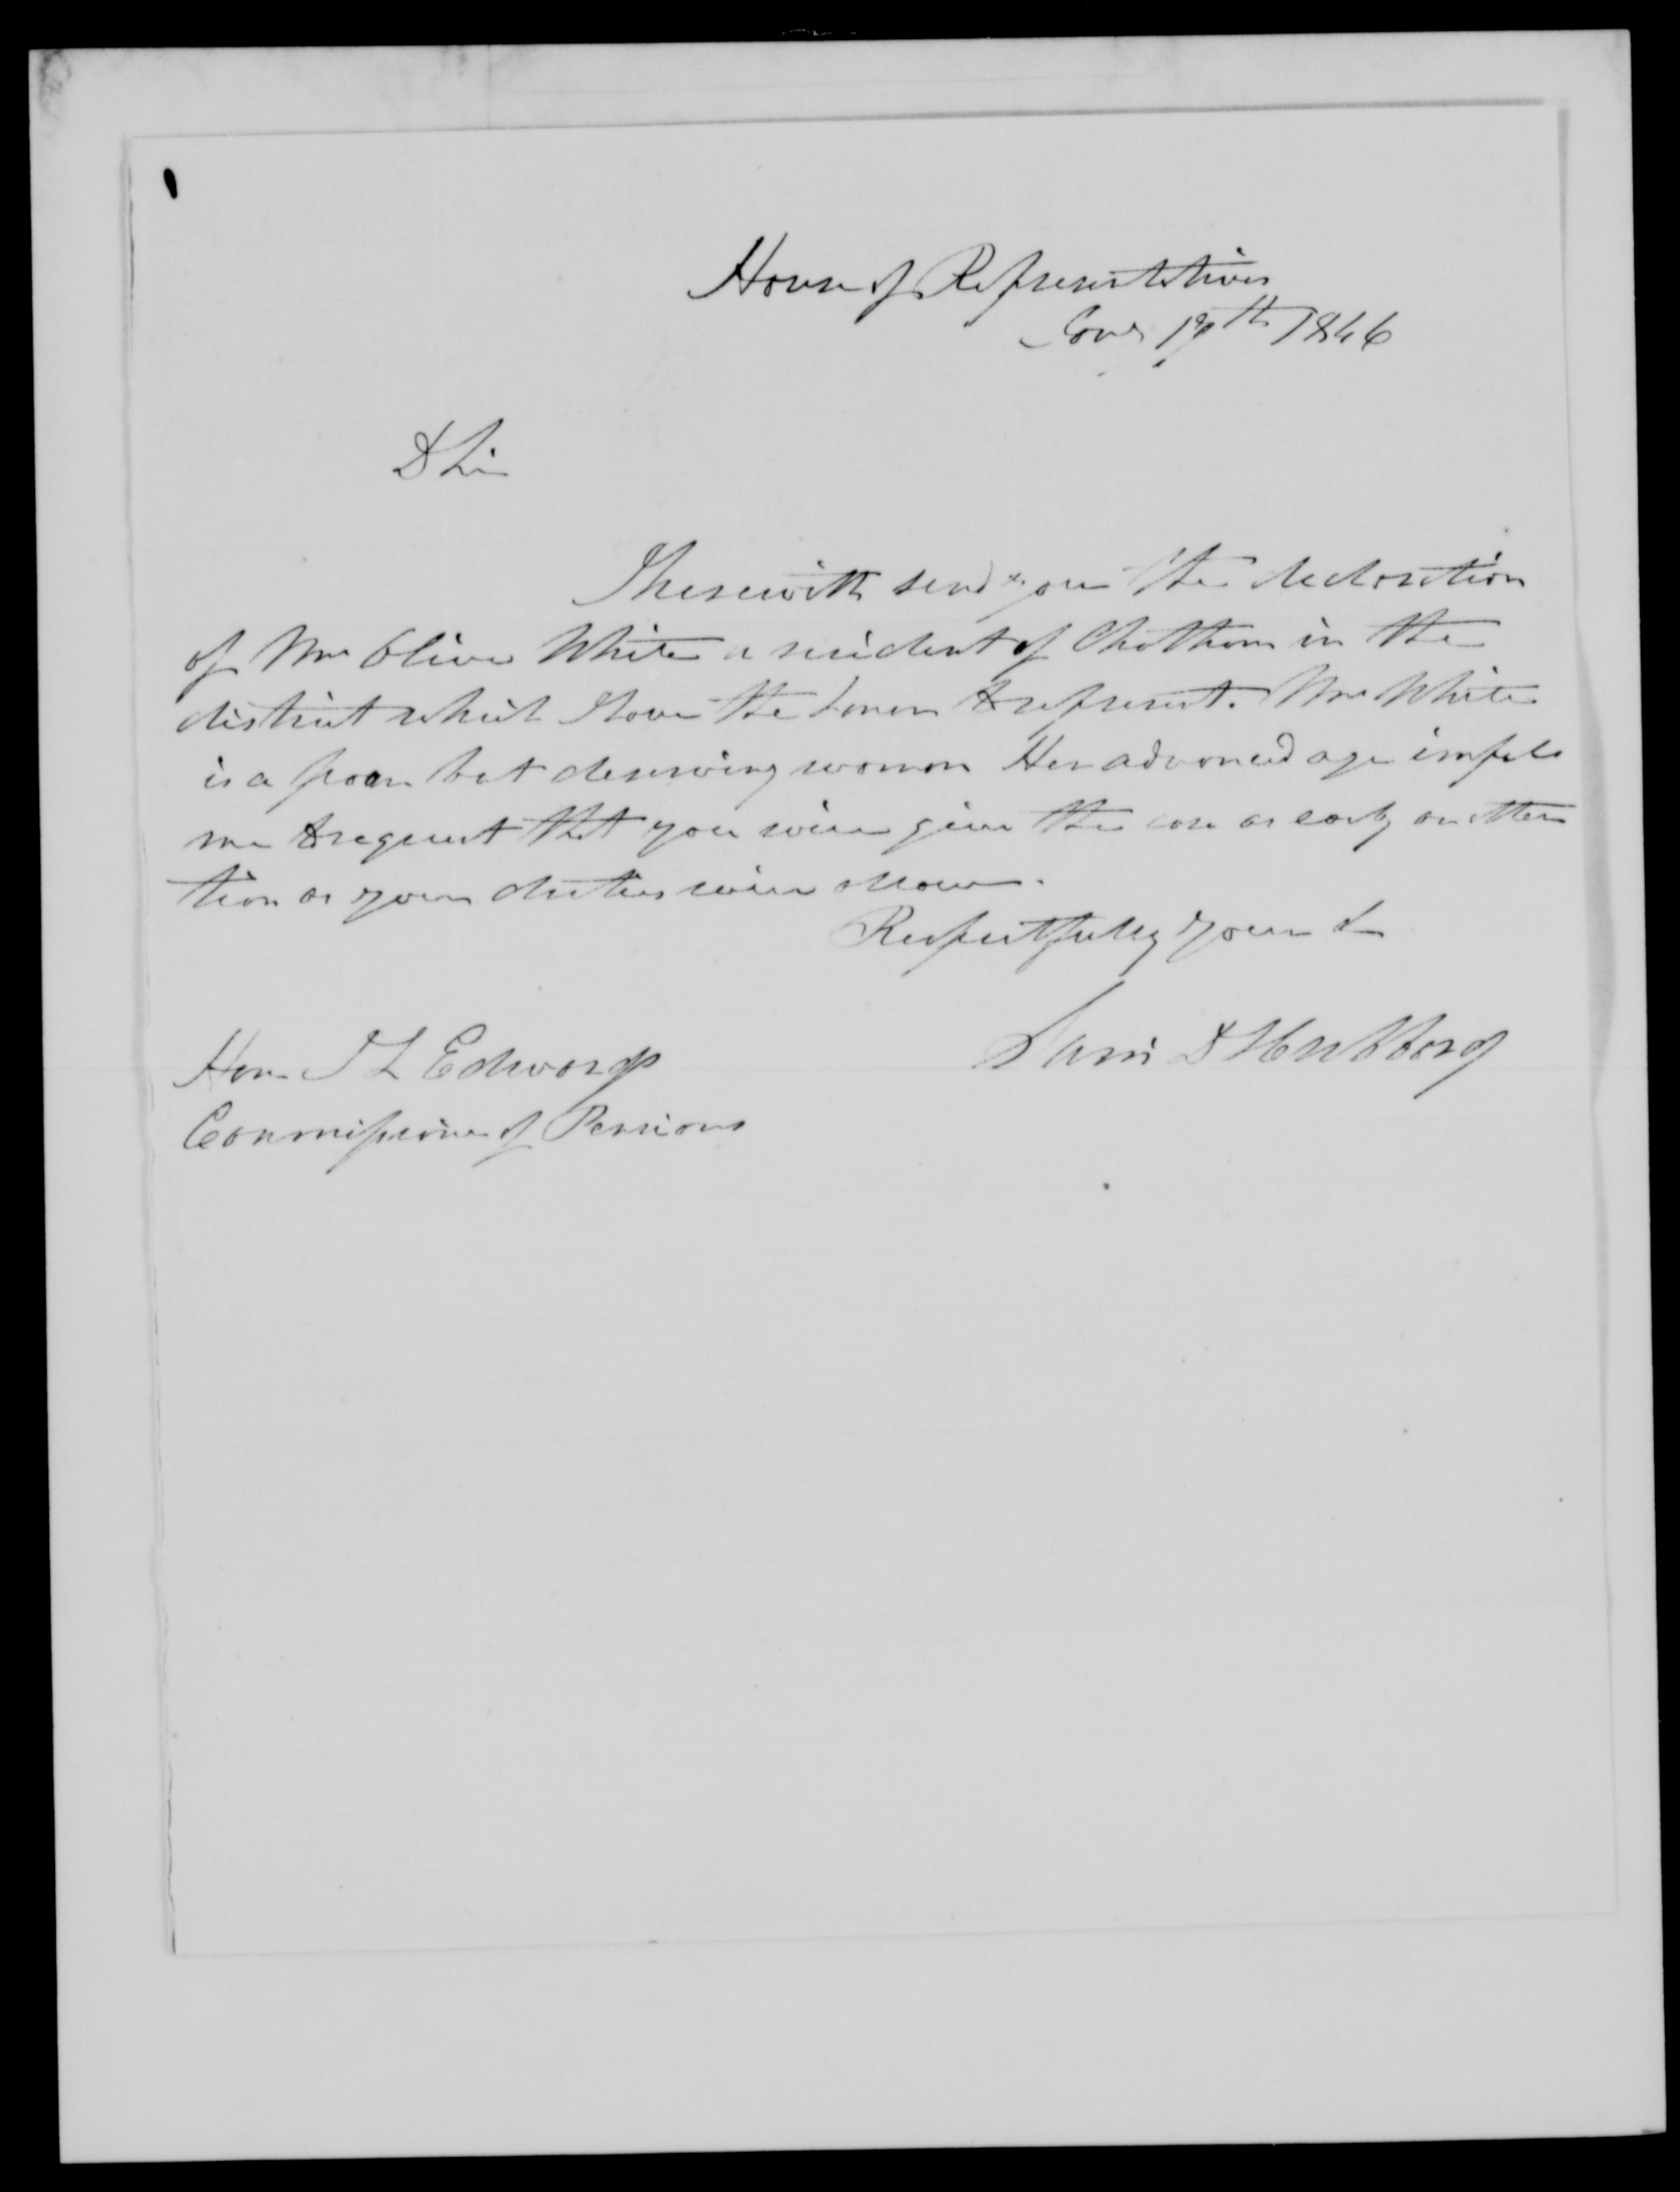House of Representatives
[Illegible] 18th 1846

D Sir
I herewith send you on the [illegible]
of Mrs Olive White a resident of Chatham in the
district which I have the honor to represent. Mrs White
is a poor but deserving woman her advanced age impels
me request that you will give the case as early as attention as your duties will allow
Respectfully yours I am
for Edwards
Sam D Hubbard

J L Edwards
Commissioner of Pensions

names: Olive White, J L Edwards, Sam D Hubbard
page: 41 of 50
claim: widow's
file: W. 25,969, Philip White, Conn.